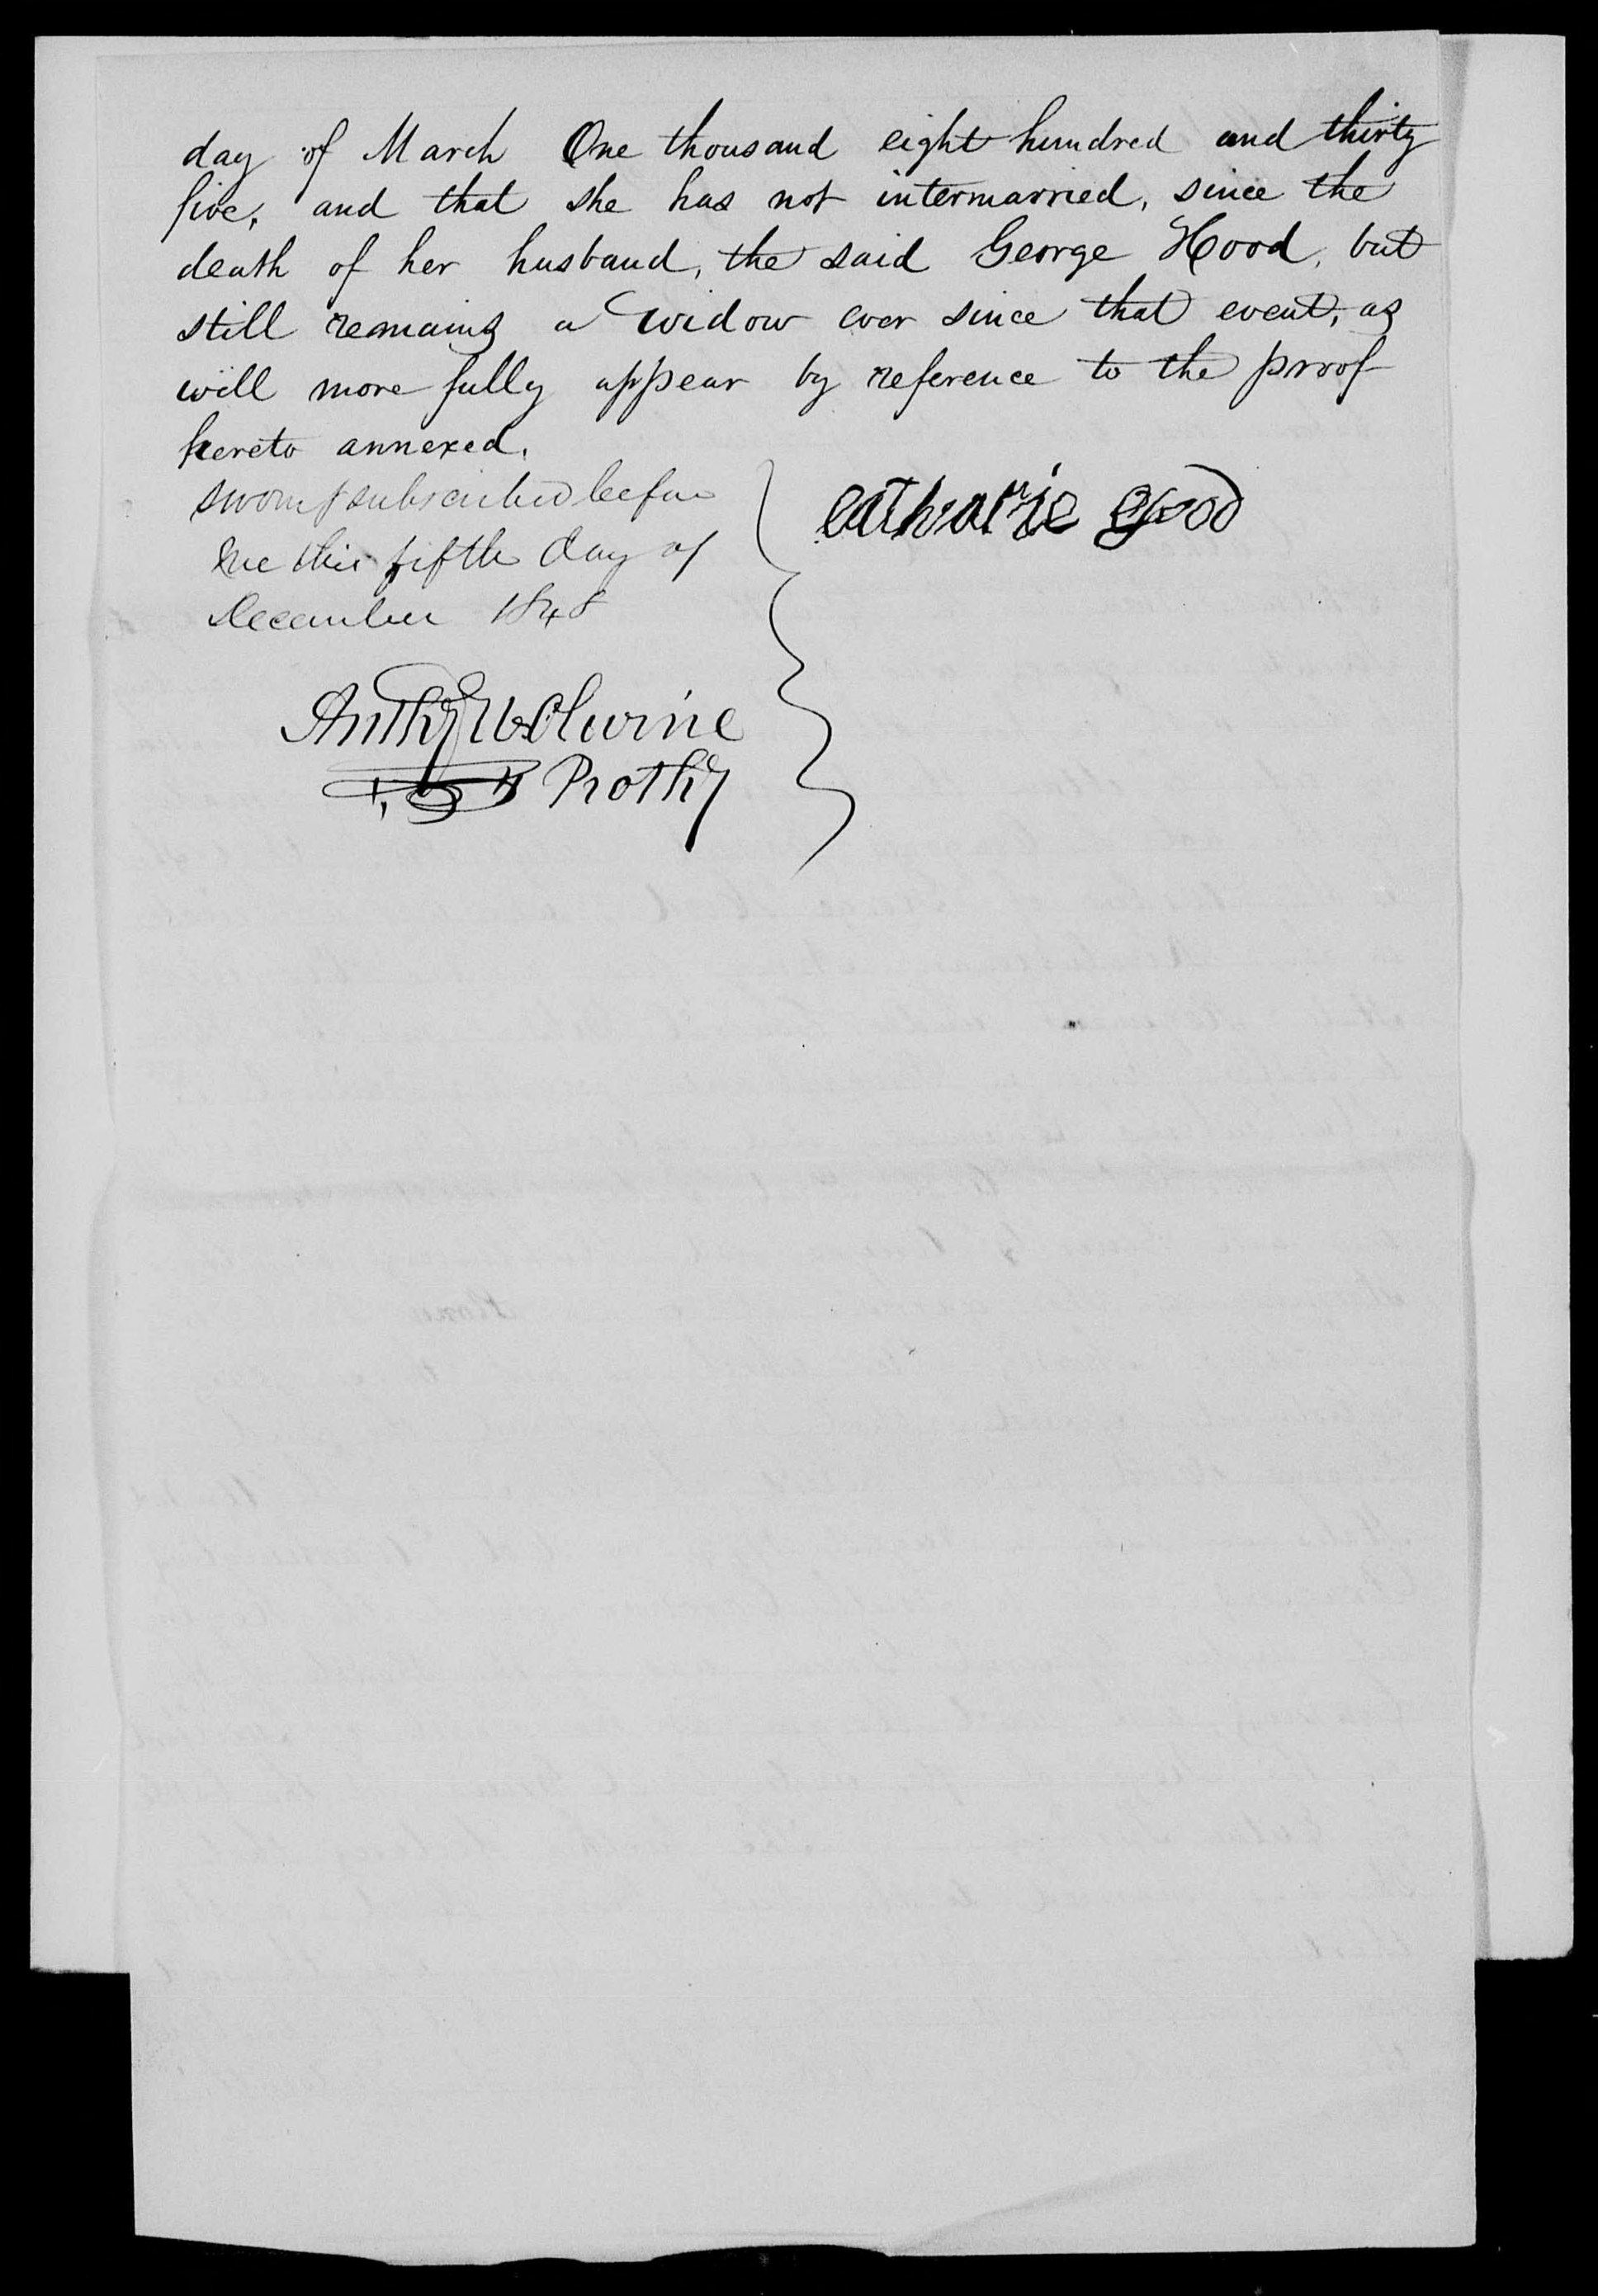Day of March One thousand and thirty five, and that she has not intermarried since the death of her husband the said George Hood but still remained a widow ever since that event, as will more fully appear by reference to the proof hereto annexed.
Sworn to and subscribed before me this fifth day of December 1848
Anthony W. Olwine, Prothonotary 
Catharine Hood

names: Catharie Hood, George Hood, Anthy W Olwine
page: 8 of 51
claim: widow's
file: W 8939, George Hood, Continental Va.